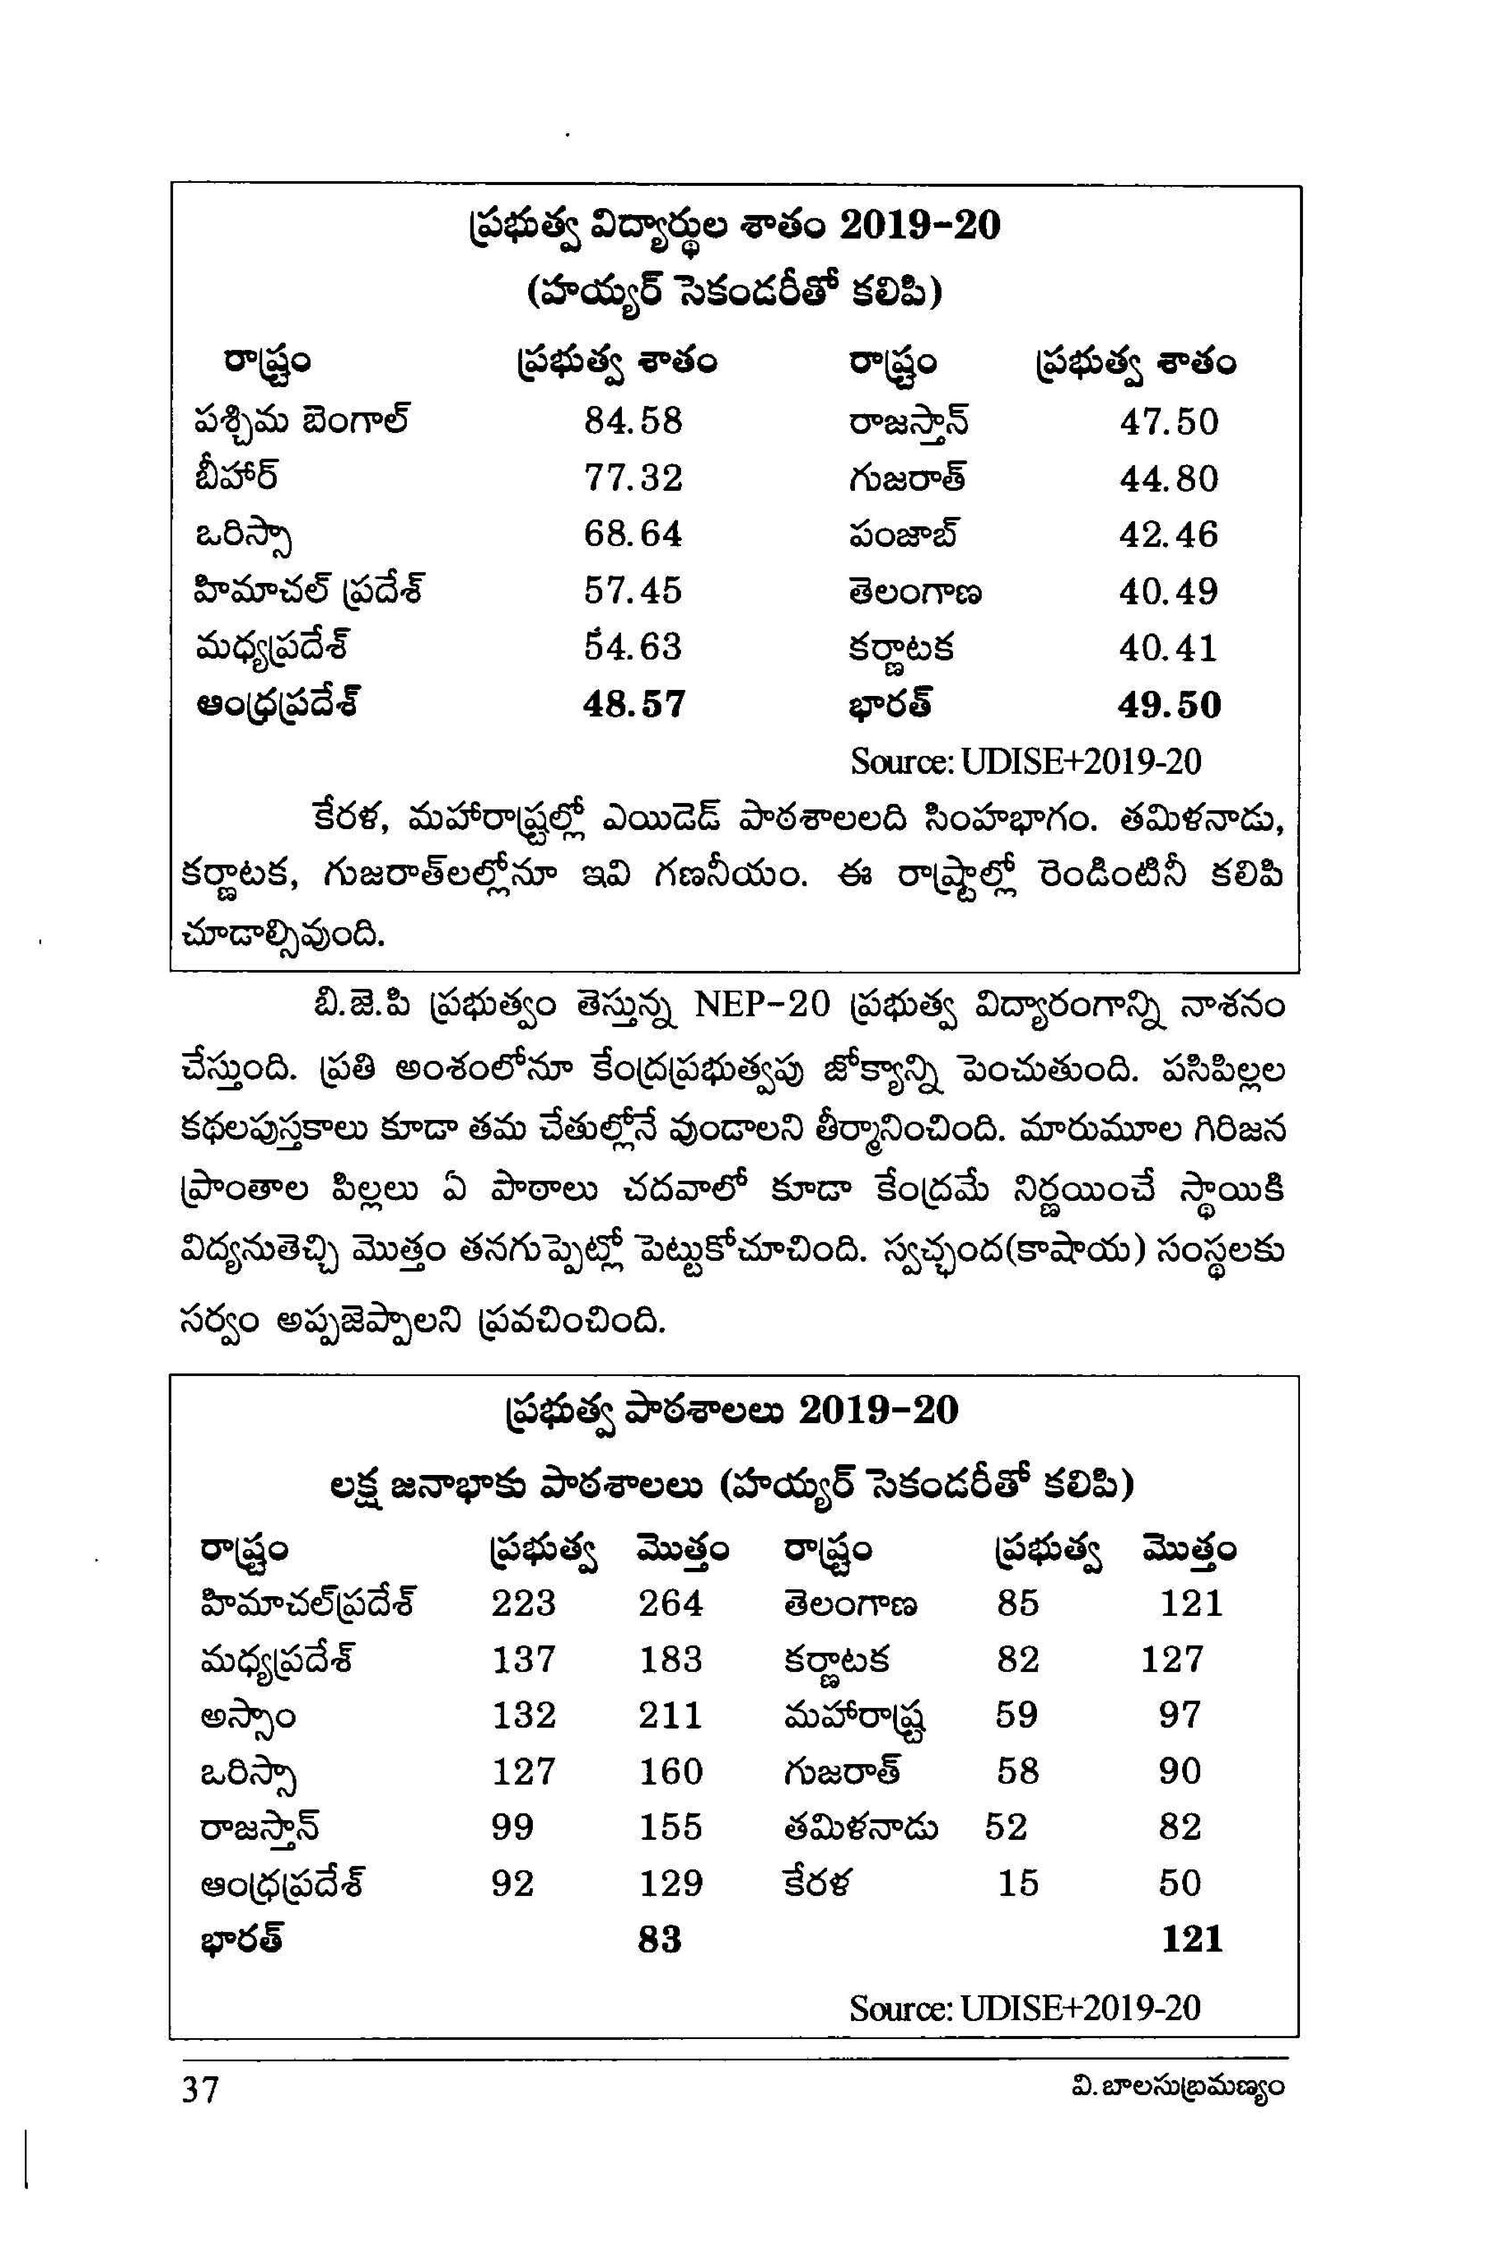ప్రభుత్వ విద్యార్థుల శాతం – 2019–20 (హయ్యర్ సెకండరీతో కలిపి)
Source: UDISE+ 2019–20

రాష్ట్రం	ప్రభుత్వ శాతం	రాష్ట్రం	ప్రభుత్వ శాతం
పశ్చిమ బెంగాల్	84.58%	రాజస్తాన్	47.50%
బీహార్	77.32%	గుజరాత్	44.80%
ఒరిస్సా	68.64%	పంజాబ్	42.46%
హిమాచల్ ప్రదేశ్	57.45%	తెలంగాణ	40.49%
మధ్యప్రదేశ్	54.63%	కర్ణాటక	40.41%
ఆంధ్రప్రదేశ్	48.57%	భారత సగటు	49.50%

వ్యాఖ్య:
కేరళ, మహారాష్ట్రల్లో ఎయిడెడ్ పాఠశాలలు అధికంగా ఉన్నాయి. తమిళనాడు, కర్ణాటక, గుజరాత్ రాష్ట్రాల్లోనూ ఇవి గణనీయంగా ఉన్నాయి. ఈ రాష్ట్రాల్లో ప్రభుత్వ మరియు ఎయిడెడ్ పాఠశాలల శాతం కలిపి చూడాల్సిన అవసరం ఉంది.

NEP–2020పై విమర్శ
బి.జె.పి ప్రభుత్వం తీసుకువస్తున్న నూతన జాతీయ విద్యా విధానం (NEP–2020) ప్రభుత్వ విద్యారంగాన్ని నాశనం చేసేలా ఉంది. ఇది ప్రతి అంశంలోనూ కేంద్ర ప్రభుత్వ జోక్యాన్ని పెంచే లక్షణాలు కలిగివుంది.
పసిపిల్లల కథల పుస్తకాలు కూడా కేంద్ర ప్రభుత్వ నియంత్రణలో ఉండాలని నిర్దేశించింది. మారుమూల గిరిజన ప్రాంతాల పిల్లలు ఏ పాఠాలు చదవాలో కూడా కేంద్రమే నిర్ణయించాల్సిన స్థాయికి విద్యను తీసుకెళ్లింది.
అంతేగాక, విద్యాసంస్థల నిర్వహణను స్వచ్ఛంద (కాషాయ భావాలున్న) సంస్థలకు అప్పగించాలని పరోక్షంగా చెప్పకనే చెప్పింది.

లక్ష జనాభాకు ప్రభుత్వ పాఠశాలలు – 2019–20
Source: UDISE+ 2019–20

రాష్ట్రం	ప్రభుత్వ పాఠశాలలు	మొత్తం పాఠశాలలు
హిమాచల్ ప్రదేశ్	223	264
మధ్యప్రదేశ్	137	183
అస్సాం	132	211
ఒరిస్సా	127	160
రాజస్తాన్	99	155
ఆంధ్రప్రదేశ్	92	129
తెలంగాణ	85	121
కర్ణాటక	82	127
మహారాష్ట్ర	59	97
గుజరాత్	58	90
తమిళనాడు	52	82
కేరళ	15	50
భారత సగటు	83	121

వ్యాఖ్య:
ఇక్కడ పేర్కొన్న గణాంకాలు ప్రభుత్వ పాఠశాలలు సమర్థవంతంగా ఉన్న రాష్ట్రాలు ఎక్కడెక్కడ ఉన్నాయో, అలాగే ప్రభుత్వ ప్రాధాన్యత ఎంత వుందో సూచిస్తాయి. కేరళ, మహారాష్ట్ర లాంటి రాష్ట్రాల్లో ఎయిడెడ్ పాఠశాలలు అధికంగా ఉండడం వల్ల గణాంకాలు తక్కువగా కనిపించవచ్చు.